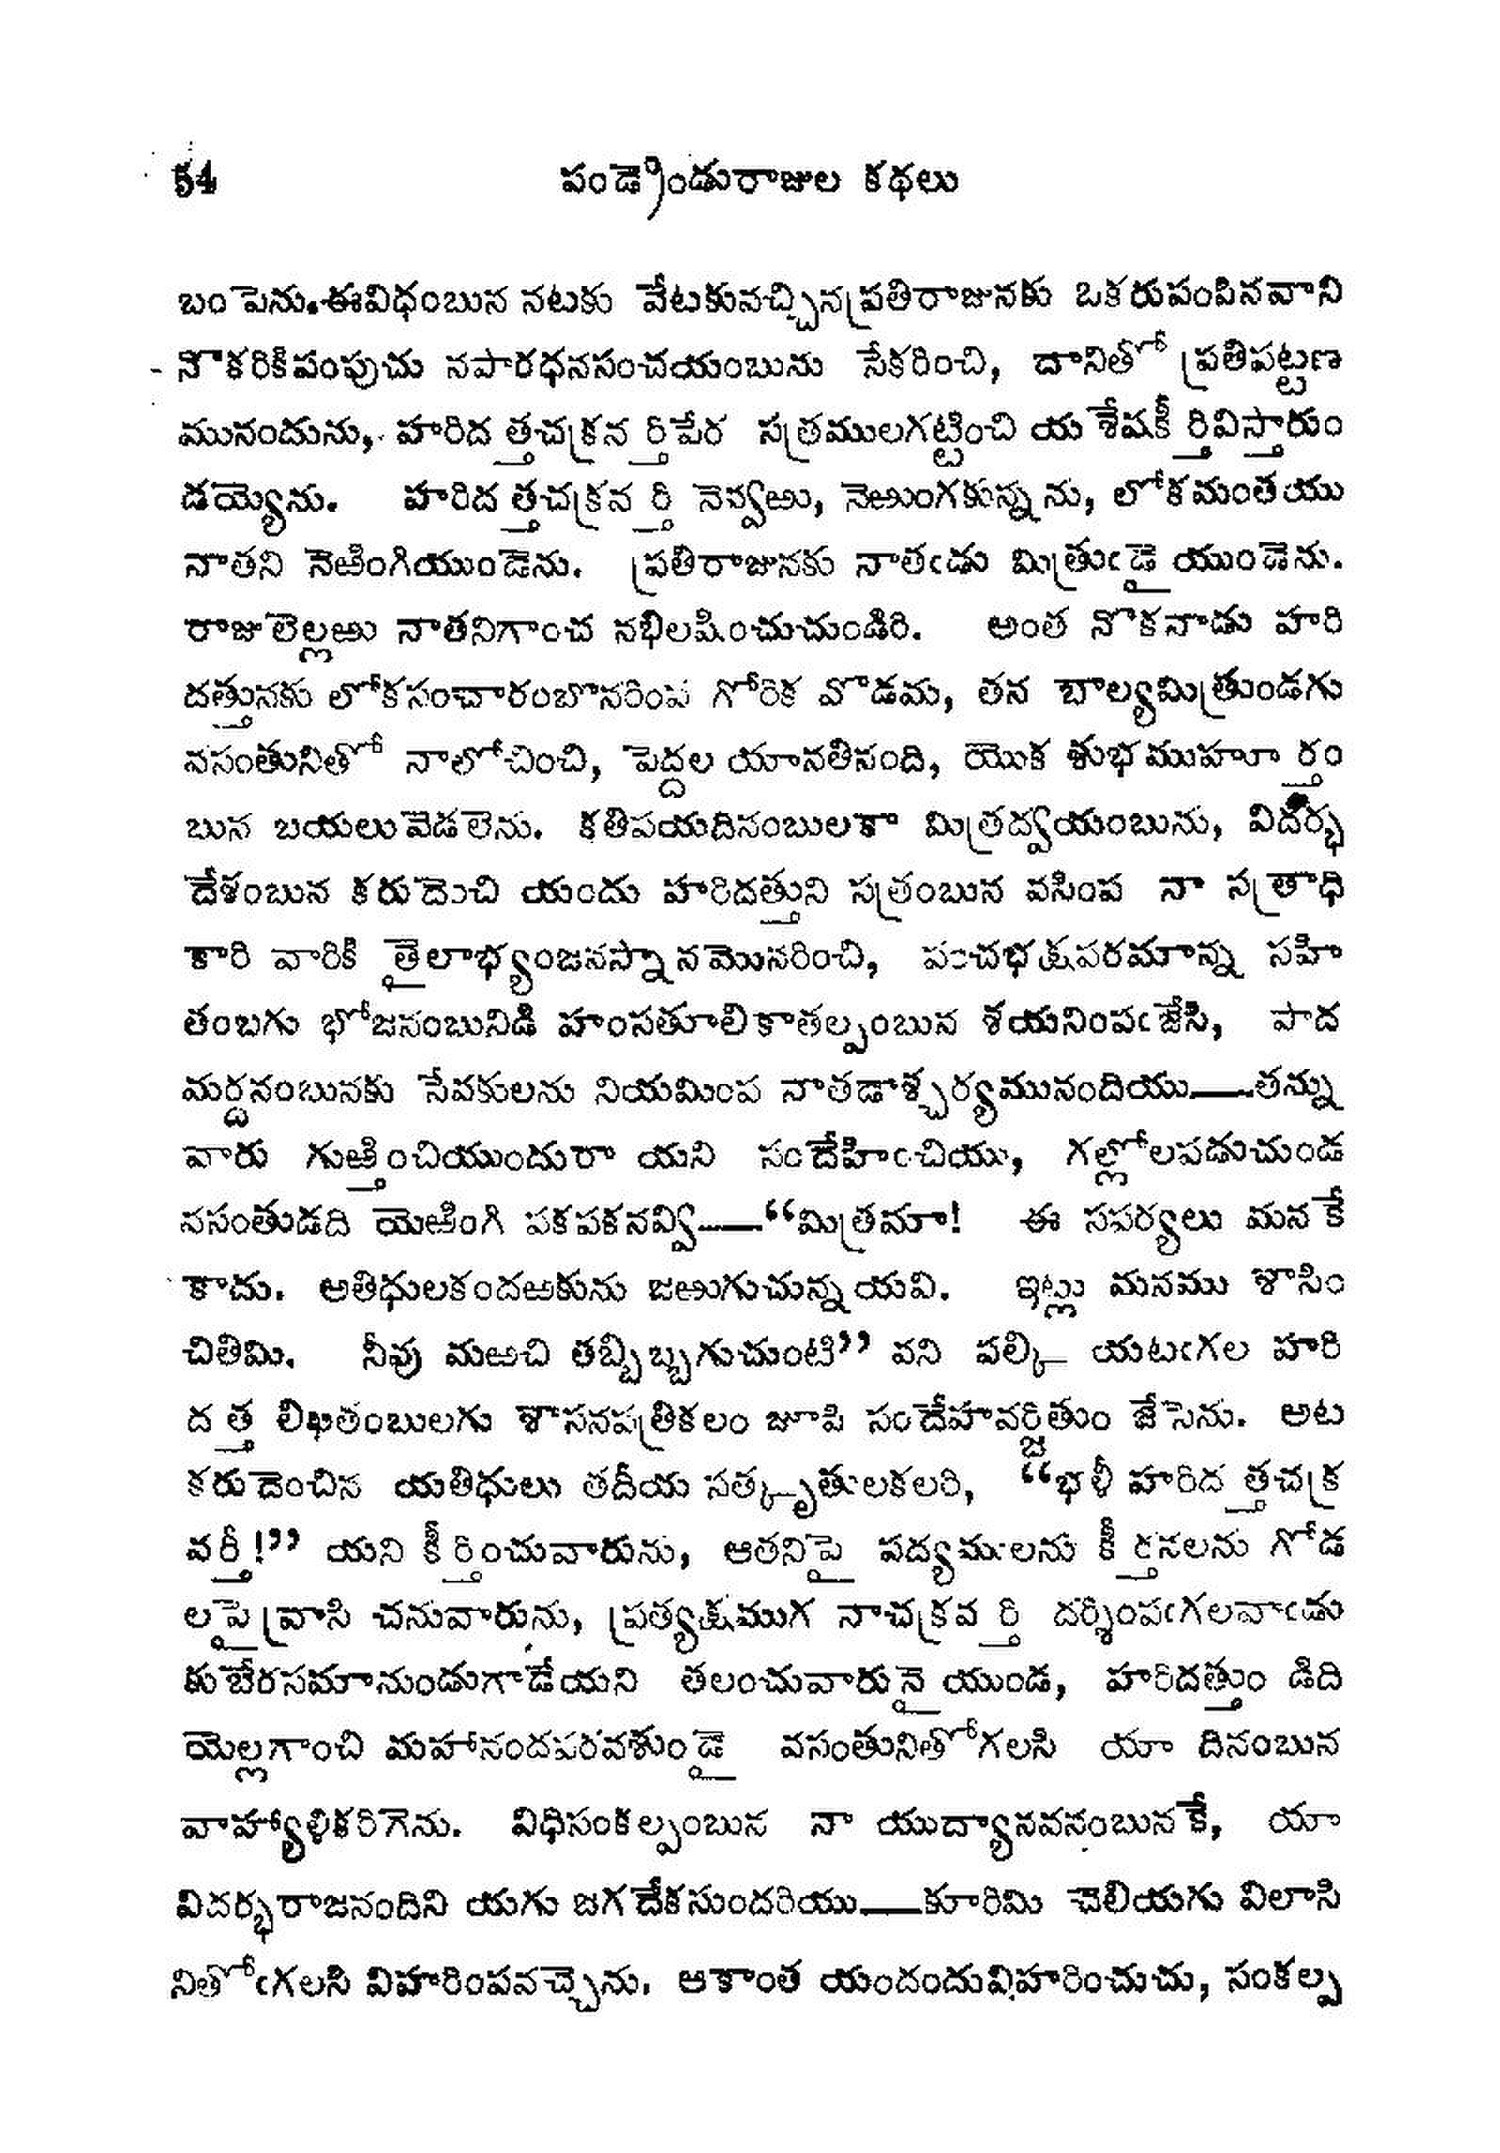బంపెను. ఈ విధంబున నటకు వేటకువచ్చిన ప్రతి రాజునకు ఒకరుపంపినవాని నొకరికి పంపుచు నపారధనసంచయంబును సేకరించి, దానితో ప్రతిపట్టణమునందును, హరిదత్తచక్రవర్తి పేర సత్రములగట్టించి యశేషకీర్తివిస్తారుండయ్యెను. హరిదత్త చక్రవర్తి నెవ్వఱు, నెఱుంగకున్నను, లోకమంతయు నాతని నెఱింగియుండెను. ప్రతి రాజునకు నాతఁడు మిత్రుఁడై యుండెను. రాజు లెల్లఱు నాతనిగాంచ నభిలషించుచుండిరి. అంత నొకనాడు హరిదత్తునకు లోక సంచారంబొనరింప గోరిక వొడమ, తన బాల్యమిత్రుండగు వసంతునితో నాలోచించి, పెద్దల యానతినంది, యొక శుభ ముహూర్తంబున బయలు వెడలెను. కతిపయదినంబులగా మిత్రద్వయంబును, విదర్భ దేశంబున కరుదెంచి యందు హరిదత్తుని సత్రంబున వసింప నా సత్రాధికారి వారికి తైలాభ్యంజనస్నానమొనరించి, పంచభక్షపరమాన్న సహితంబగు భోజనంబునిడి హంసతూలికా తల్పంబున శయనింపఁ జేసి, పాద మర్దనంబునకు సేవకులను నియమింప నాతడాశ్చర్యమునందియు——తన్నువారు గుఱ్తించియుందురా యని సందేహించియు, గల్లోలపడుచుండ వసంతుడది యెఱింగి పకపక నవ్వి——"మిత్రమా! ఈ సపర్యలు మనకే కాదు. అతిధులకందఱకును జఱుగుచున్న యవి. ఇట్లు మనము శాసించితిమి, నీవు మఱచి తబ్బిబ్బగుచుంటి" వని పల్కి యటఁగల హరిదత్త లిఖతంబులగు శాసనపత్రికలం జూపి సందేహవర్జితుం జేసెను. అట కరుదెంచిన యతిధులు తదీయ సత్కృతులకలరి, "భళీ హరిదత్తచక్రవర్తీ !" యని కీర్తించువారును, ఆతనిపై పద్యములను కీర్తనలను గోడలపై వ్రాసి చనువారును, ప్రత్యక్షముగ నాచక్రవర్తి దర్శింపఁగలవాఁడు కుబేరసమానుండుగాడేయని తలంచువారునై యుండ, హరిదత్తుం డిది యెల్లగాంచి మహానందపరవశుండై వసంతునితోగలసి యా దినంబున వాహ్యాళికరిగెను. విధిసంకల్పంబున నా యుద్యానవనంబునకే, యా విదర్భరాజనందిని యగు జగదేక సుందరియు—— కూరిమి చెలియగు విలాసినితోఁగలసి విహరింపవచ్చెను. ఆకాంత యందందువిహరించుచు, సంకల్ప